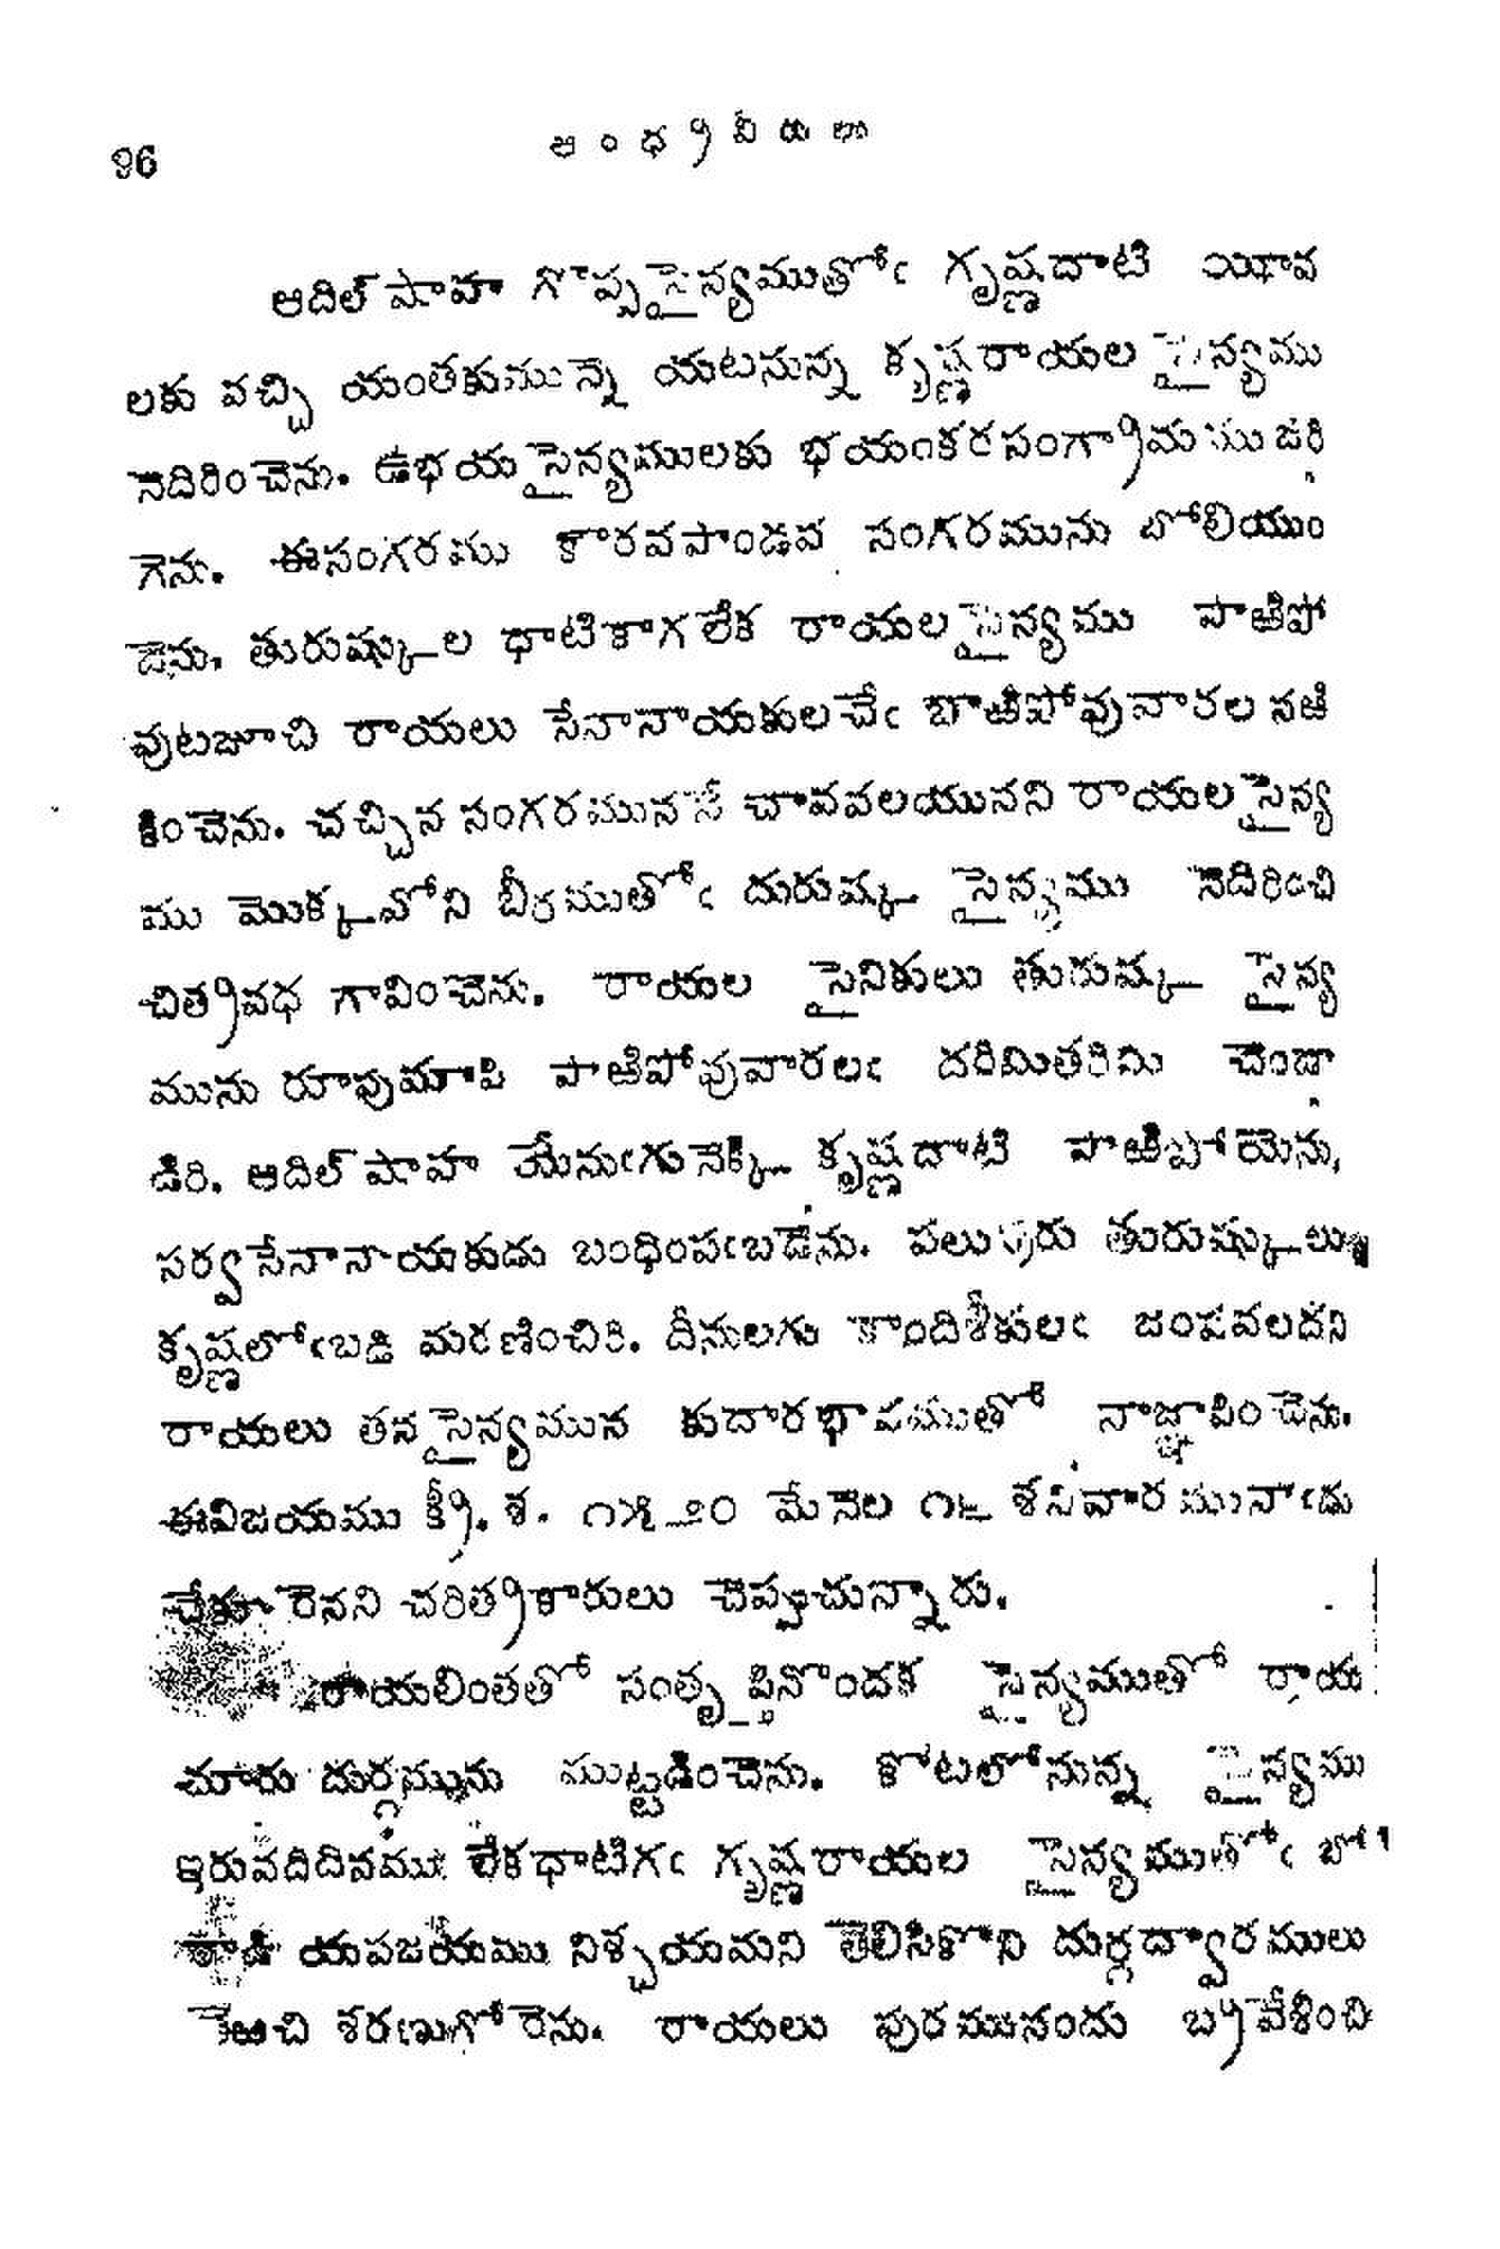ఆదిల్‌షాహ గొప్పసైన్యముతో గృష్ణదాటి యీవలకు వచ్చి యంతకుమున్నె యటనున్న కృష్ణరాయల సైన్యము నెదిరించెను. ఉభయసైన్యములకు భయంకరసంగ్రామము జరిగెను. ఈసంగరము కౌరవపాండవ సంగరమును బోలియుండెను. తురుష్కుల ధాటికాగలేక రాయలసైన్యము పాఱిపోవుటజూచి రాయలు సేనానాయకులచే బాఱిపోవువారల నఱికించెను. చచ్చిన సంగరముననే చావవలయునని రాయల సైన్యము మొక్కవోని బీరముతో దురుష్క సైన్యము నెదిరించి చిత్రవధ గావించెను. రాయల సైనికులు తురుష్క సైన్యమును రూపుమాపి పాఱిపోవువారల దరిమితరిమి చెండాడిరి. ఆదిల్‌షాహ యేనుగునెక్కి కృష్ణదాటి పాఱిపోయెను. సర్వసేనానయకుడు బంధింపబడెను. పలువురు తురుష్కులు కృష్ణలోబడి మరణించిరి. దీనులగు కాందిశీకుల జంపవలదని రాయలు తనసైన్యమున కుదారభావముతో నాజ్ఞాపించెను. ఈవిజయము క్రీ.శ. 1520 మేనెల 16 శనివారమునాడు చేకూరెనని చరిత్రకారులు చెప్పుచున్నారు.

రాయలింతతో సంతృప్తినొందక సైన్యముతో రాయచూరు దుర్గమును ముట్టడించెను. కోటలోనున్న సైన్యము ఇరువదిదినము లేకధాటిగ గృష్ణరాయల సైన్యముతో బోరాడి యపజయము నిశ్చయమని తెలిసికొని దుర్గద్వారములు తెఱచి శరణుగోరెను. రాయలు పురమునందు బ్రవేశించి